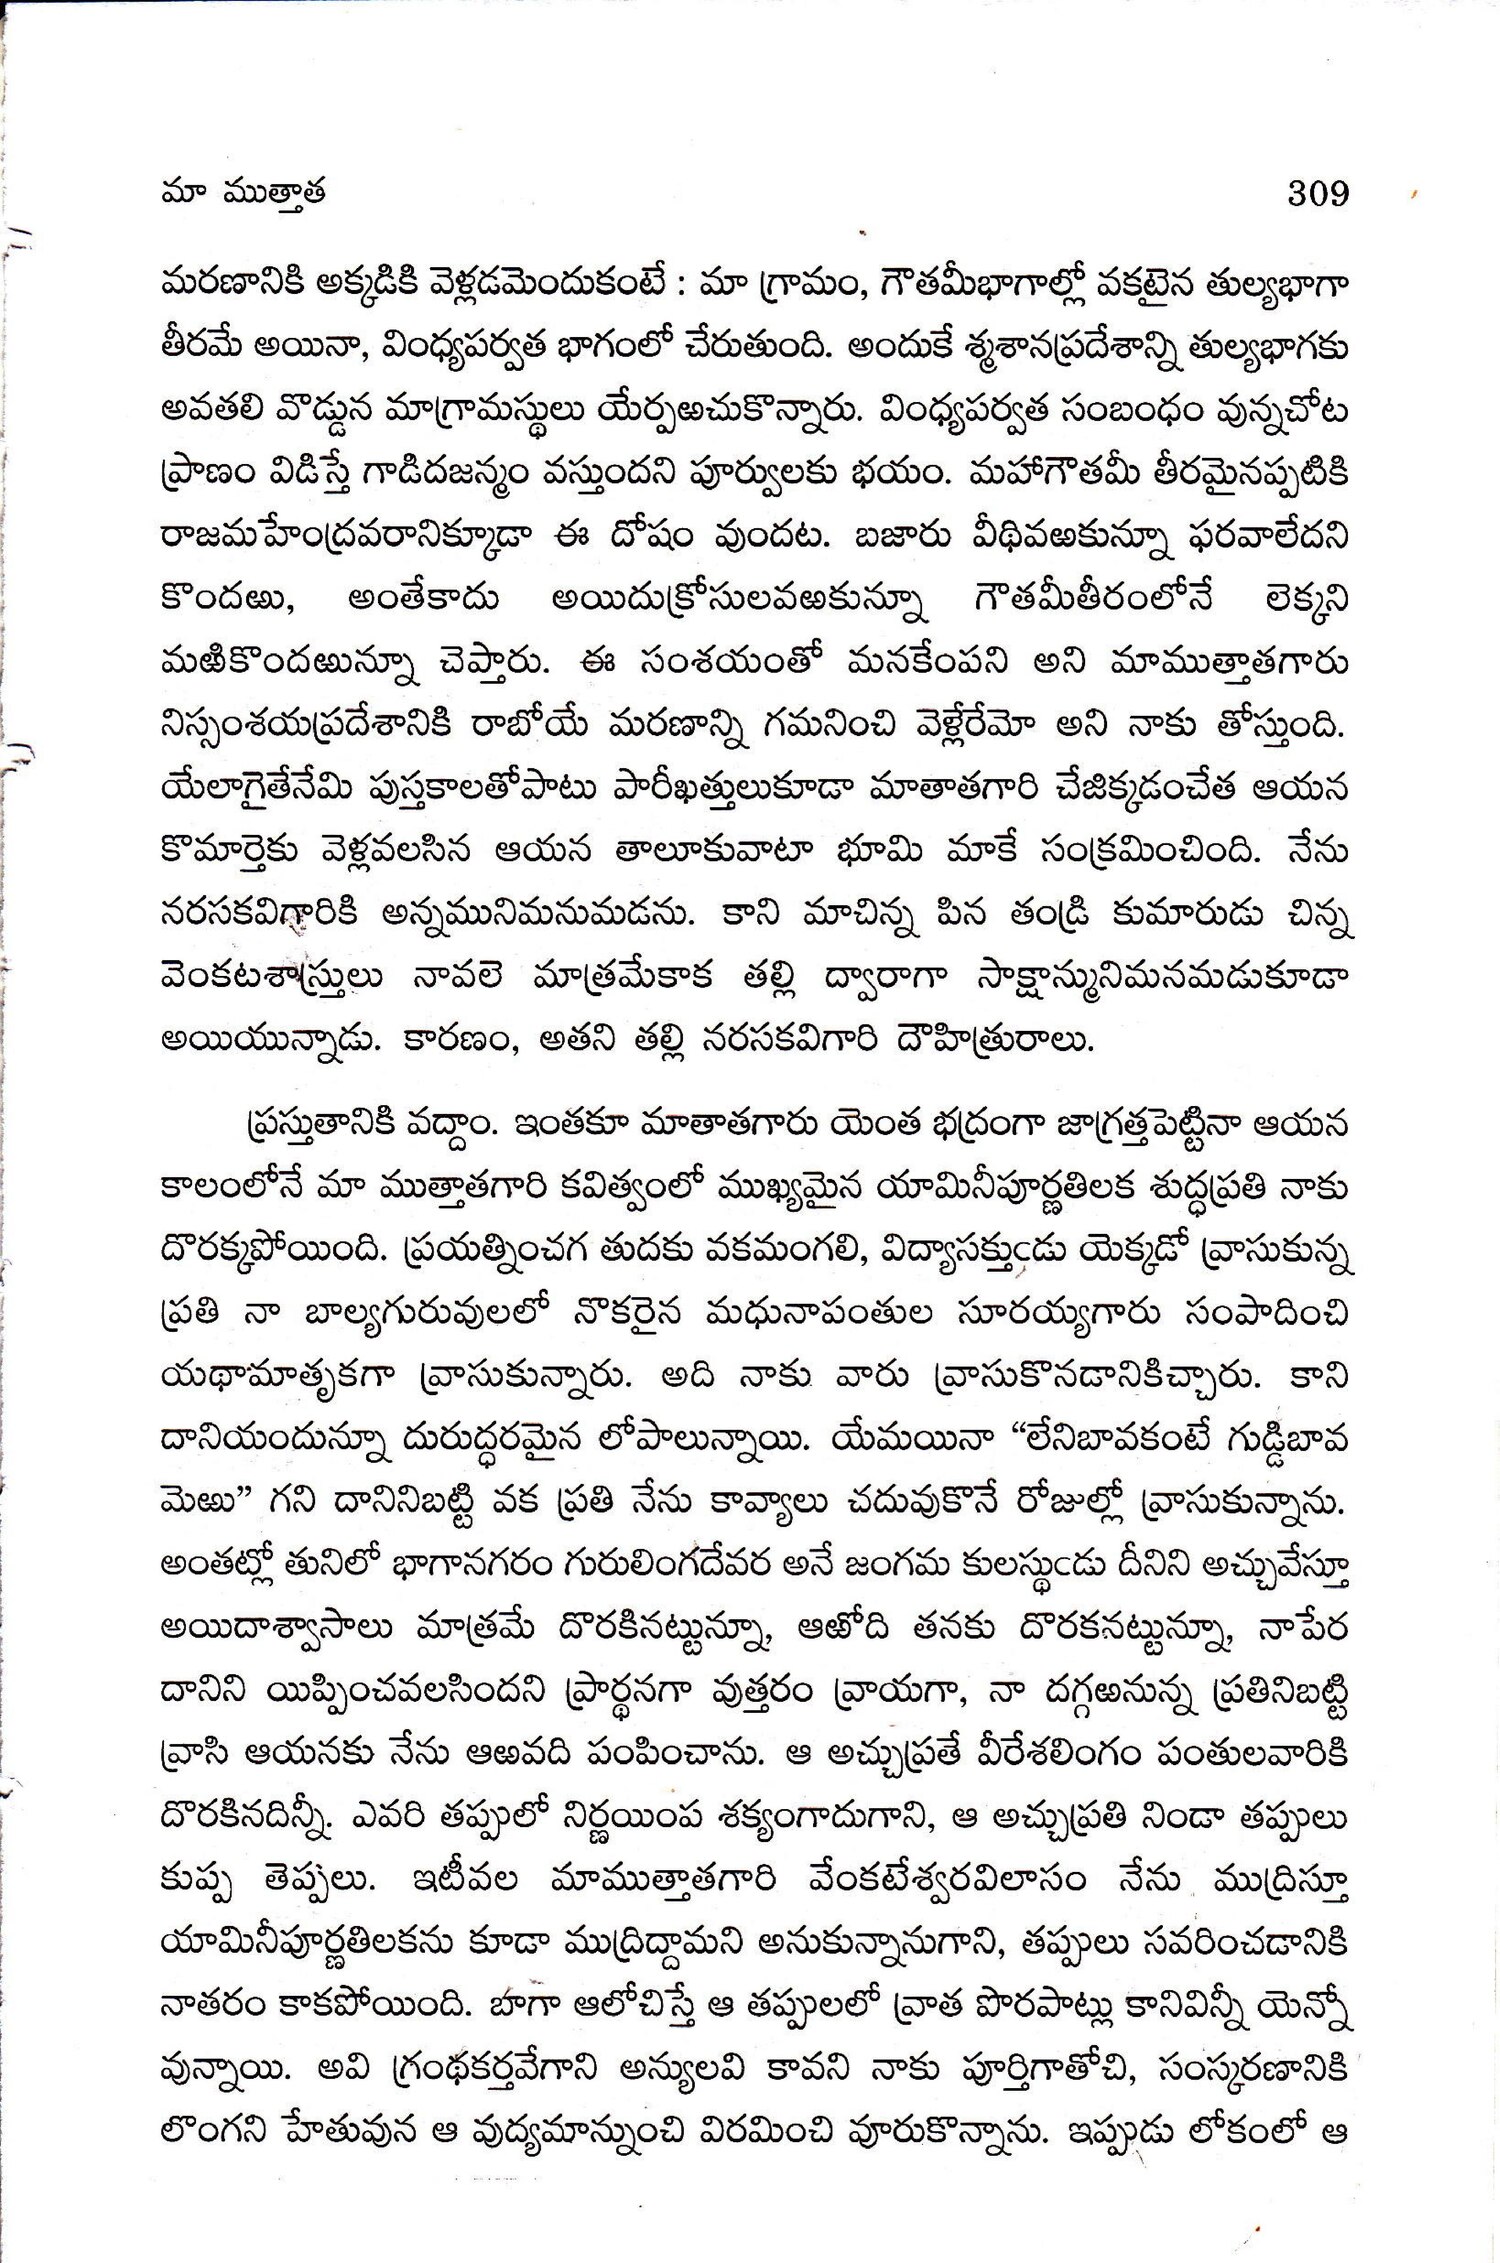మరణానికి అక్కడికి వెళ్లడమెందుకంటే : మా గ్రామం, గౌతమీభాగాల్లో వకటైన తుల్యభాగా తీరమే అయినా, వింధ్యపర్వత భాగంలో చేరుతుంది. అందుకే శ్మశానప్రదేశాన్ని తుల్యభాగకు అవతలి వొడ్డున మాగ్రామస్థులు యేర్పఱచుకొన్నారు. వింధ్యపర్వత సంబంధం వున్నచోట ప్రాణం విడిస్తే గాడిదజన్మం వస్తుందని పూర్వులకు భయం. మహాగౌతమీ తీరమైనప్పటికి రాజమహేంద్రవరానిక్కూడా ఈ దోషం వుందట. బజారు వీథివఱకున్నూ ఫరవాలేదని కొందఱు, అంతేకాదు అయిదుక్రోసులవఱకున్నూ గౌతమీతీరంలోనే లెక్కని మటికొందఱున్నూ చెప్తారు. ఈ సంశయంతో మనకేంపని అని మాముత్తాతగారు నిస్సంశయప్రదేశానికి రాబోయే మరణాన్ని గమనించి వెళ్లేరేమో అని నాకు తోస్తుంది. యేలాగైతేనేమి పుస్తకాలతోపాటు పారీఖత్తులుకూడా మాతాతగారి చేజిక్కడంచేత ఆయన కొమార్తెకు వెళ్లవలసిన ఆయన తాలూకువాటా భూమి మాకే సంక్రమించింది. నేను నరసకవిగారికి అన్నమునిమనుమడను. కాని మాచిన్న పిన తండ్రి కుమారుడు చిన్న వెంకటశాస్త్రులు నావలె మాత్రమేకాక తల్లి ద్వారాగా సాక్షాన్మునిమనమడుకూడా అయియున్నాడు. కారణం, అతని తల్లి నరసకవిగారి దౌహిత్రురాలు.

ప్రస్తుతానికి వద్దాం. ఇంతకూ మాతాతగారు యెంత భద్రంగా జాగ్రత్తపెట్టినా ఆయన కాలంలోనే మా ముత్తాతగారి కవిత్వంలో ముఖ్యమైన యామినీపూర్ణతిలక శుద్ధప్రతి నాకు దొరక్కపోయింది. ప్రయత్నించగ తుదకు వకమంగలి, విద్యాసక్తుఁడు యెక్కడో వ్రాసుకున్న ప్రతి నా బాల్యగురువులలో నొకరైన మధునాపంతుల సూరయ్యగారు సంపాదించి యథామాతృకగా వ్రాసుకున్నారు. అది నాకు వారు వ్రాసుకొనడానికిచ్చారు. కాని దానియందున్నూ దురుద్ధరమైన లోపాలున్నాయి. యేమయినా “లేనిబావకంటే గుడ్డిబావ మెఱు" గని దానినిబట్టి వక ప్రతి నేను కావ్యాలు చదువుకొనే రోజుల్లో వ్రాసుకున్నాను. అంతట్లో తునిలో భాగానగరం గురులింగదేవర అనే జంగమ కులస్థుఁడు దీనిని అచ్చువేస్తూ అయిదాశ్వాసాలు మాత్రమే దొరకినట్టున్నూ, ఆఱోది తనకు దొరకనట్టున్నూ, నాపేర దానిని యిప్పించవలసిందని ప్రార్థనగా వత్తరం వ్రాయగా, నా దగ్గఱనున్న ప్రతినిబట్టి వ్రాసి ఆయనకు నేను ఆఱవది పంపించాను. ఆ అచ్చుప్రతే వీరేశలింగం పంతులవారికి దొరకినదిన్నీ ఎవరి తప్పులో నిర్ణయింప శక్యంగాదుగాని, ఆ అచ్చుప్రతి నిండా తప్పులు కుప్ప తెప్పలు. ఇటీవల మాముత్తాతగారి వేంకటేశ్వరవిలాసం నేను ముద్రిస్తూ యామినీపూర్ణతిలకను కూడా ముద్రిద్దామని అనుకున్నానుగాని, తప్పులు సవరించడానికి నాతరం కాకపోయింది. బాగా ఆలోచిస్తే ఆ తప్పులలో వ్రాత పొరపాట్లు కానివిన్నీ యెన్నో వున్నాయి. అవి గ్రంథకర్తవేగాని అన్యులవి కావని నాకు పూర్తిగాతోచి, సంస్కరణానికి లొంగని హేతువున ఆ వుద్యమాన్నుంచి విరమించి వూరుకొన్నాను. ఇప్పుడు లోకంలో ఆ